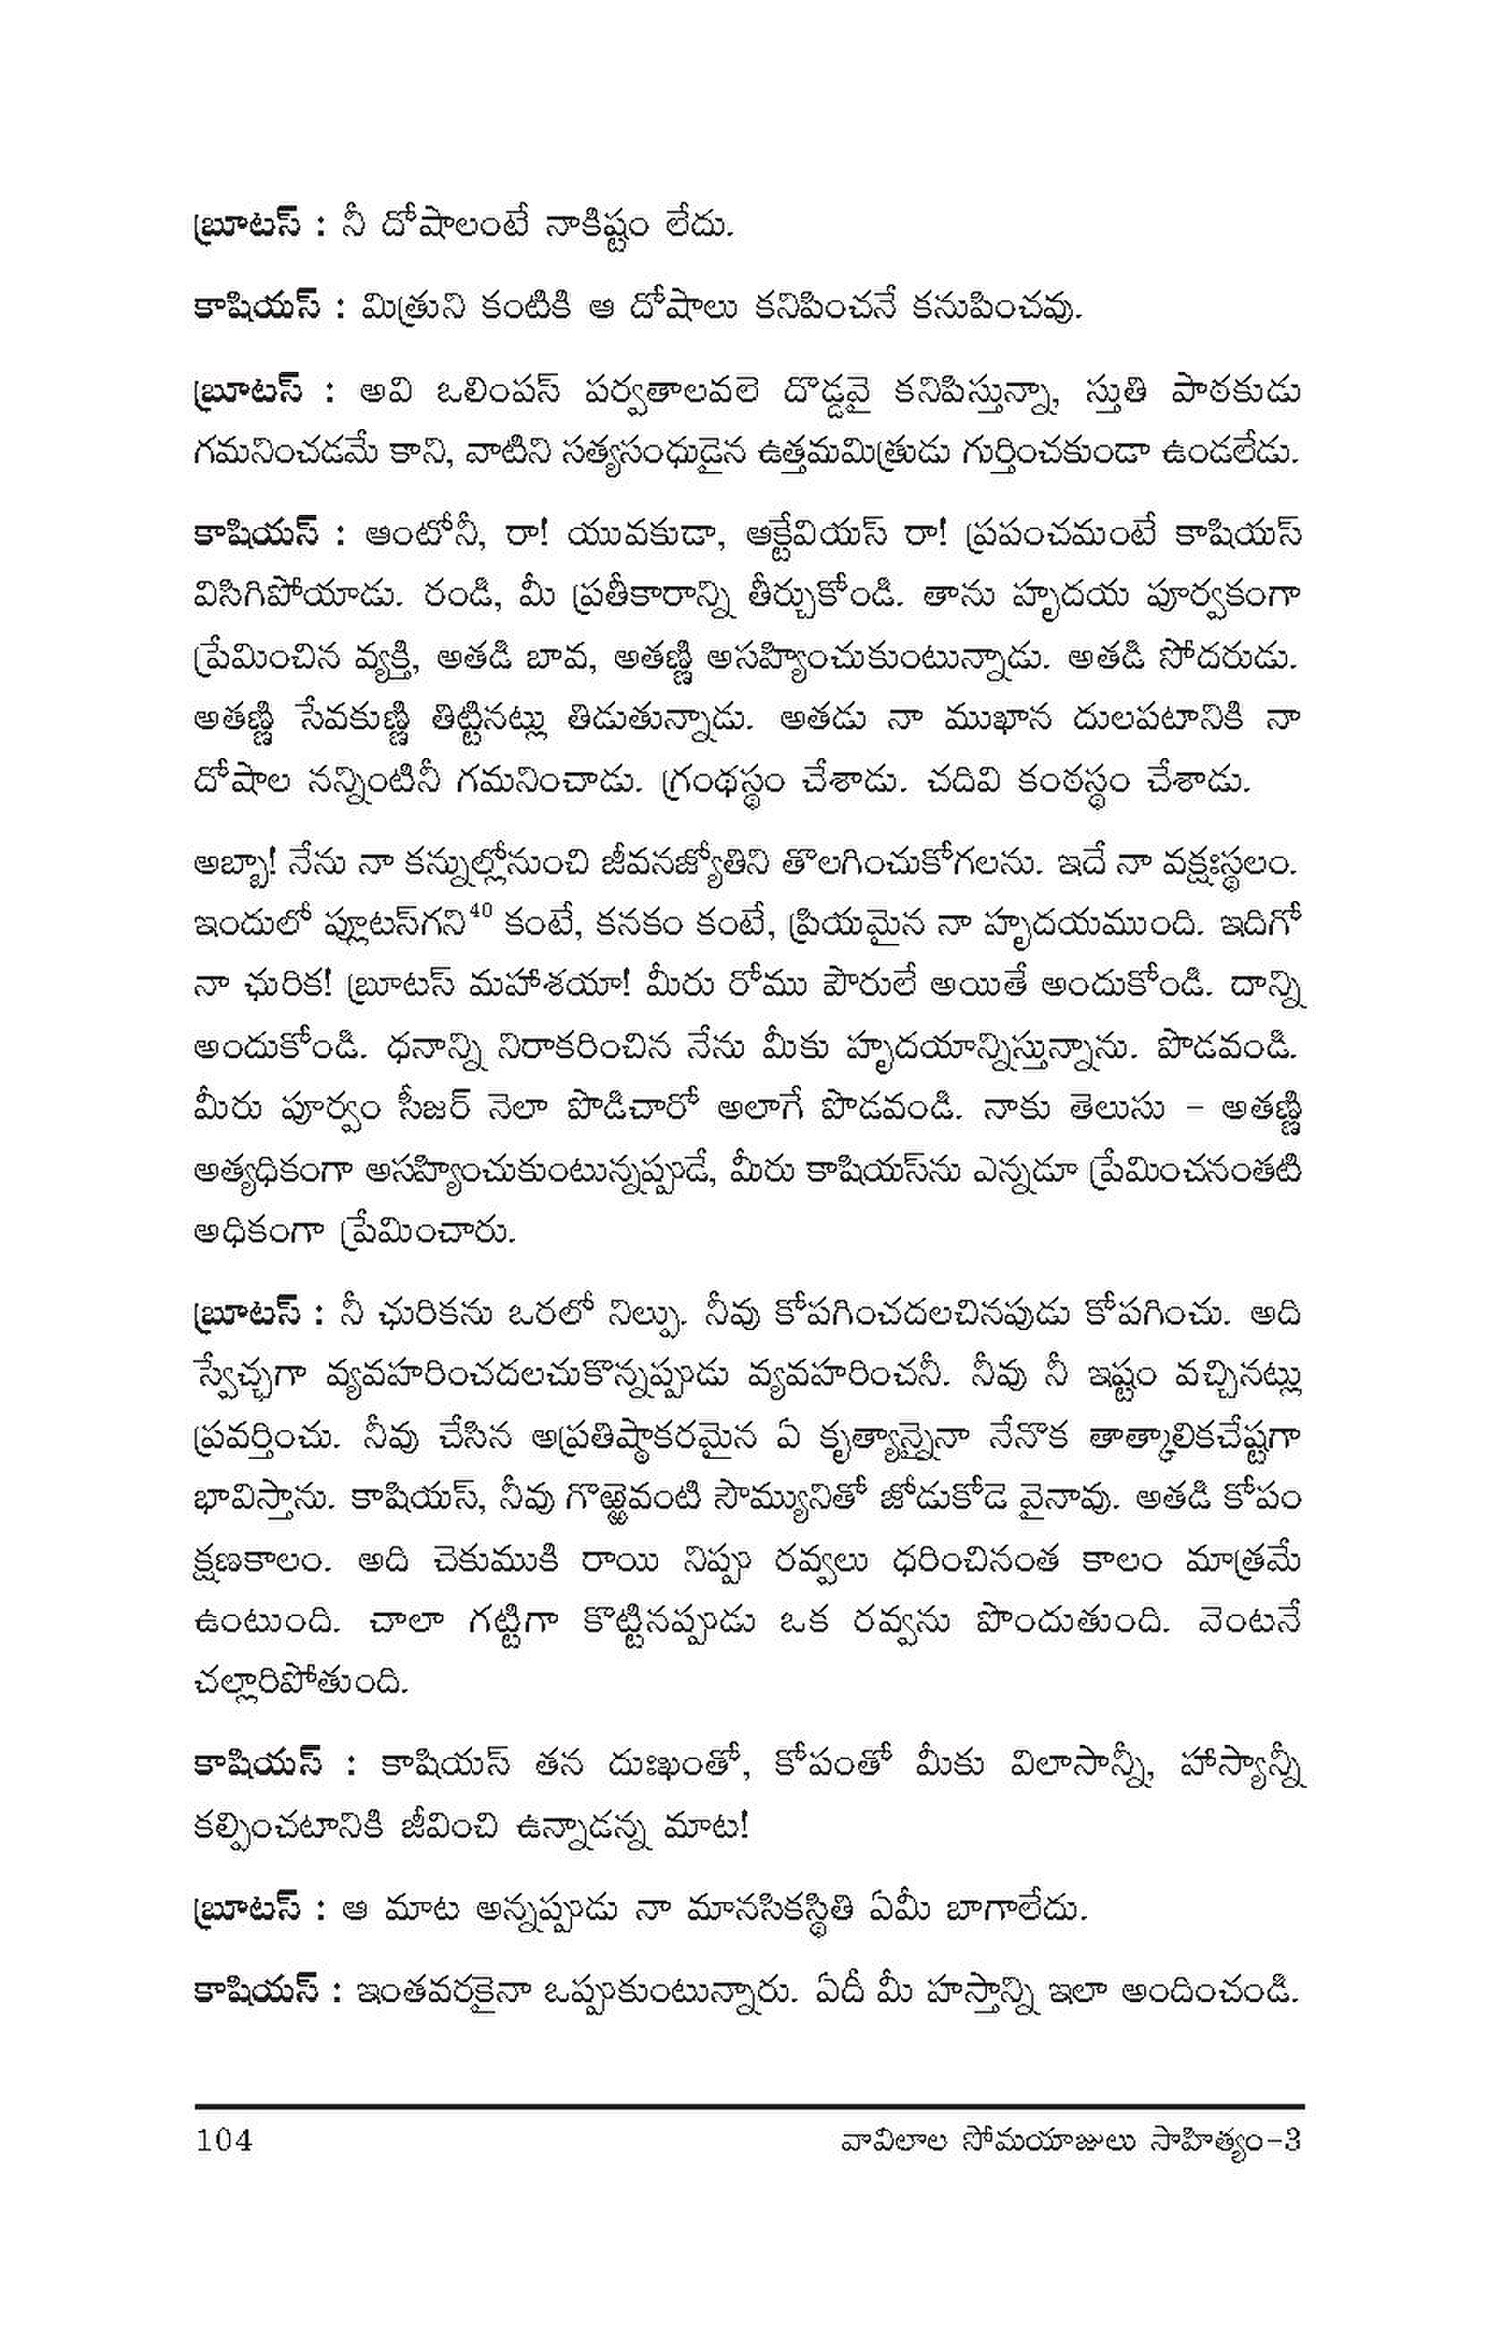బ్రూటస్ : నీ దోషాలంటే నాకిష్టం లేదు.

కాషియస్ : మిత్రుని కంటికి ఆ దోషాలు కనిపించనే కనుపించవు.

బ్రూటస్ : అవి ఒలింపస్ పర్వతాలవలె దొడ్డవై కనిపిస్తున్నా, స్తుతి పాఠకుడు గమనించడమే కాని, వాటిని సత్యసంధుడైన ఉత్తమమిత్రుడు గుర్తించకుండా ఉండలేడు.

కాషియస్ : ఆంటోనీ, రా! యువకుడా, ఆక్టేవియస్ రా! ప్రపంచమంటే కాషియస్ విసిగిపోయాడు. రండి, మీ ప్రతీకారాన్ని తీర్చుకోండి. తాను హృదయ పూర్వకంగా ప్రేమించిన వ్యక్తి, అతడి బావ, అతణ్ణి అసహ్యించుకుంటున్నాడు. అతడి సోదరుడు. అతణ్ణి సేవకుణ్ణి తిట్టినట్లు తిడుతున్నాడు. అతడు నా ముఖాన దులపటానికి నా దోషాల నన్నింటినీ గమనించాడు. గ్రంథస్థం చేశాడు. చదివి కంఠస్థం చేశాడు.

అబ్బా! నేను నా కన్నుల్లోనుంచి జీవనజ్యోతిని తొలగించుకోగలను. ఇదే నా వక్షఃస్థలం. ఇందులో ప్లూటస్ గని40 కంటే, కనకం కంటే, ప్రియమైన నా హృదయముంది. ఇదిగో నా ఛురిక! బ్రూటస్ మహాశయా! మీరు రోము పౌరులే అయితే అందుకోండి. దాన్ని అందుకోండి. ధనాన్ని నిరాకరించిన నేను మీకు హృదయాన్నిస్తున్నాను. పొడవండి. మీరు పూర్వం సీజర్ నెలా పొడిచారో అలాగే పొడవండి. నాకు తెలుసు - అతణ్ణి అత్యధికంగా అసహ్యించు కుంటున్నప్పుడే, మీరు కాషియస్ ను ఎన్నడూ ప్రేమించనంతటి అధికంగా ప్రేమించారు.

బ్రూటస్ : నీ ఛురికను ఒరలో నిల్పు. నీవు కోపగించదలచినపుడు కోపగించు. అది స్వేచ్ఛగా వ్యవహరించ దలచుకొన్నప్పుడు వ్యవహరించనీ. నీవు నీ ఇష్టం వచ్చినట్లు ప్రవర్తించు. నీవు చేసిన అప్రతిష్టాకరమైన ఏ కృత్యాన్నైనా నేనొక తాత్కాలిక చేష్టగా భావిస్తాను. కాషియస్, నీవు గొట్టెవంటి సౌమ్యునితో జోడుకోడె వైనావు. అతడి కోపం క్షణకాలం. అది చెకుముకి రాయి నిప్పు రవ్వలు ధరించినంత కాలం మాత్రమే ఉంటుంది. చాలా గట్టిగా కొట్టినప్పుడు ఒక రవ్వను పొందుతుంది. వెంటనే చల్లారిపోతుంది.

కాషియస్ : కాషియస్ తన దుఃఖంతో, కోపంతో మీకు విలాసాన్నీ, హాస్యాన్నీ కల్పించటానికి జీవించి ఉన్నాడన్న మాట!

బ్రూటస్ : ఆ మాట అన్నప్పుడు నా మానసికస్థితి ఏమీ బాగాలేదు.

కాషియస్ : ఇంతవరకైనా ఒప్పుకుంటున్నారు. ఏదీ మీ హస్తాన్ని ఇలా అందించండి.